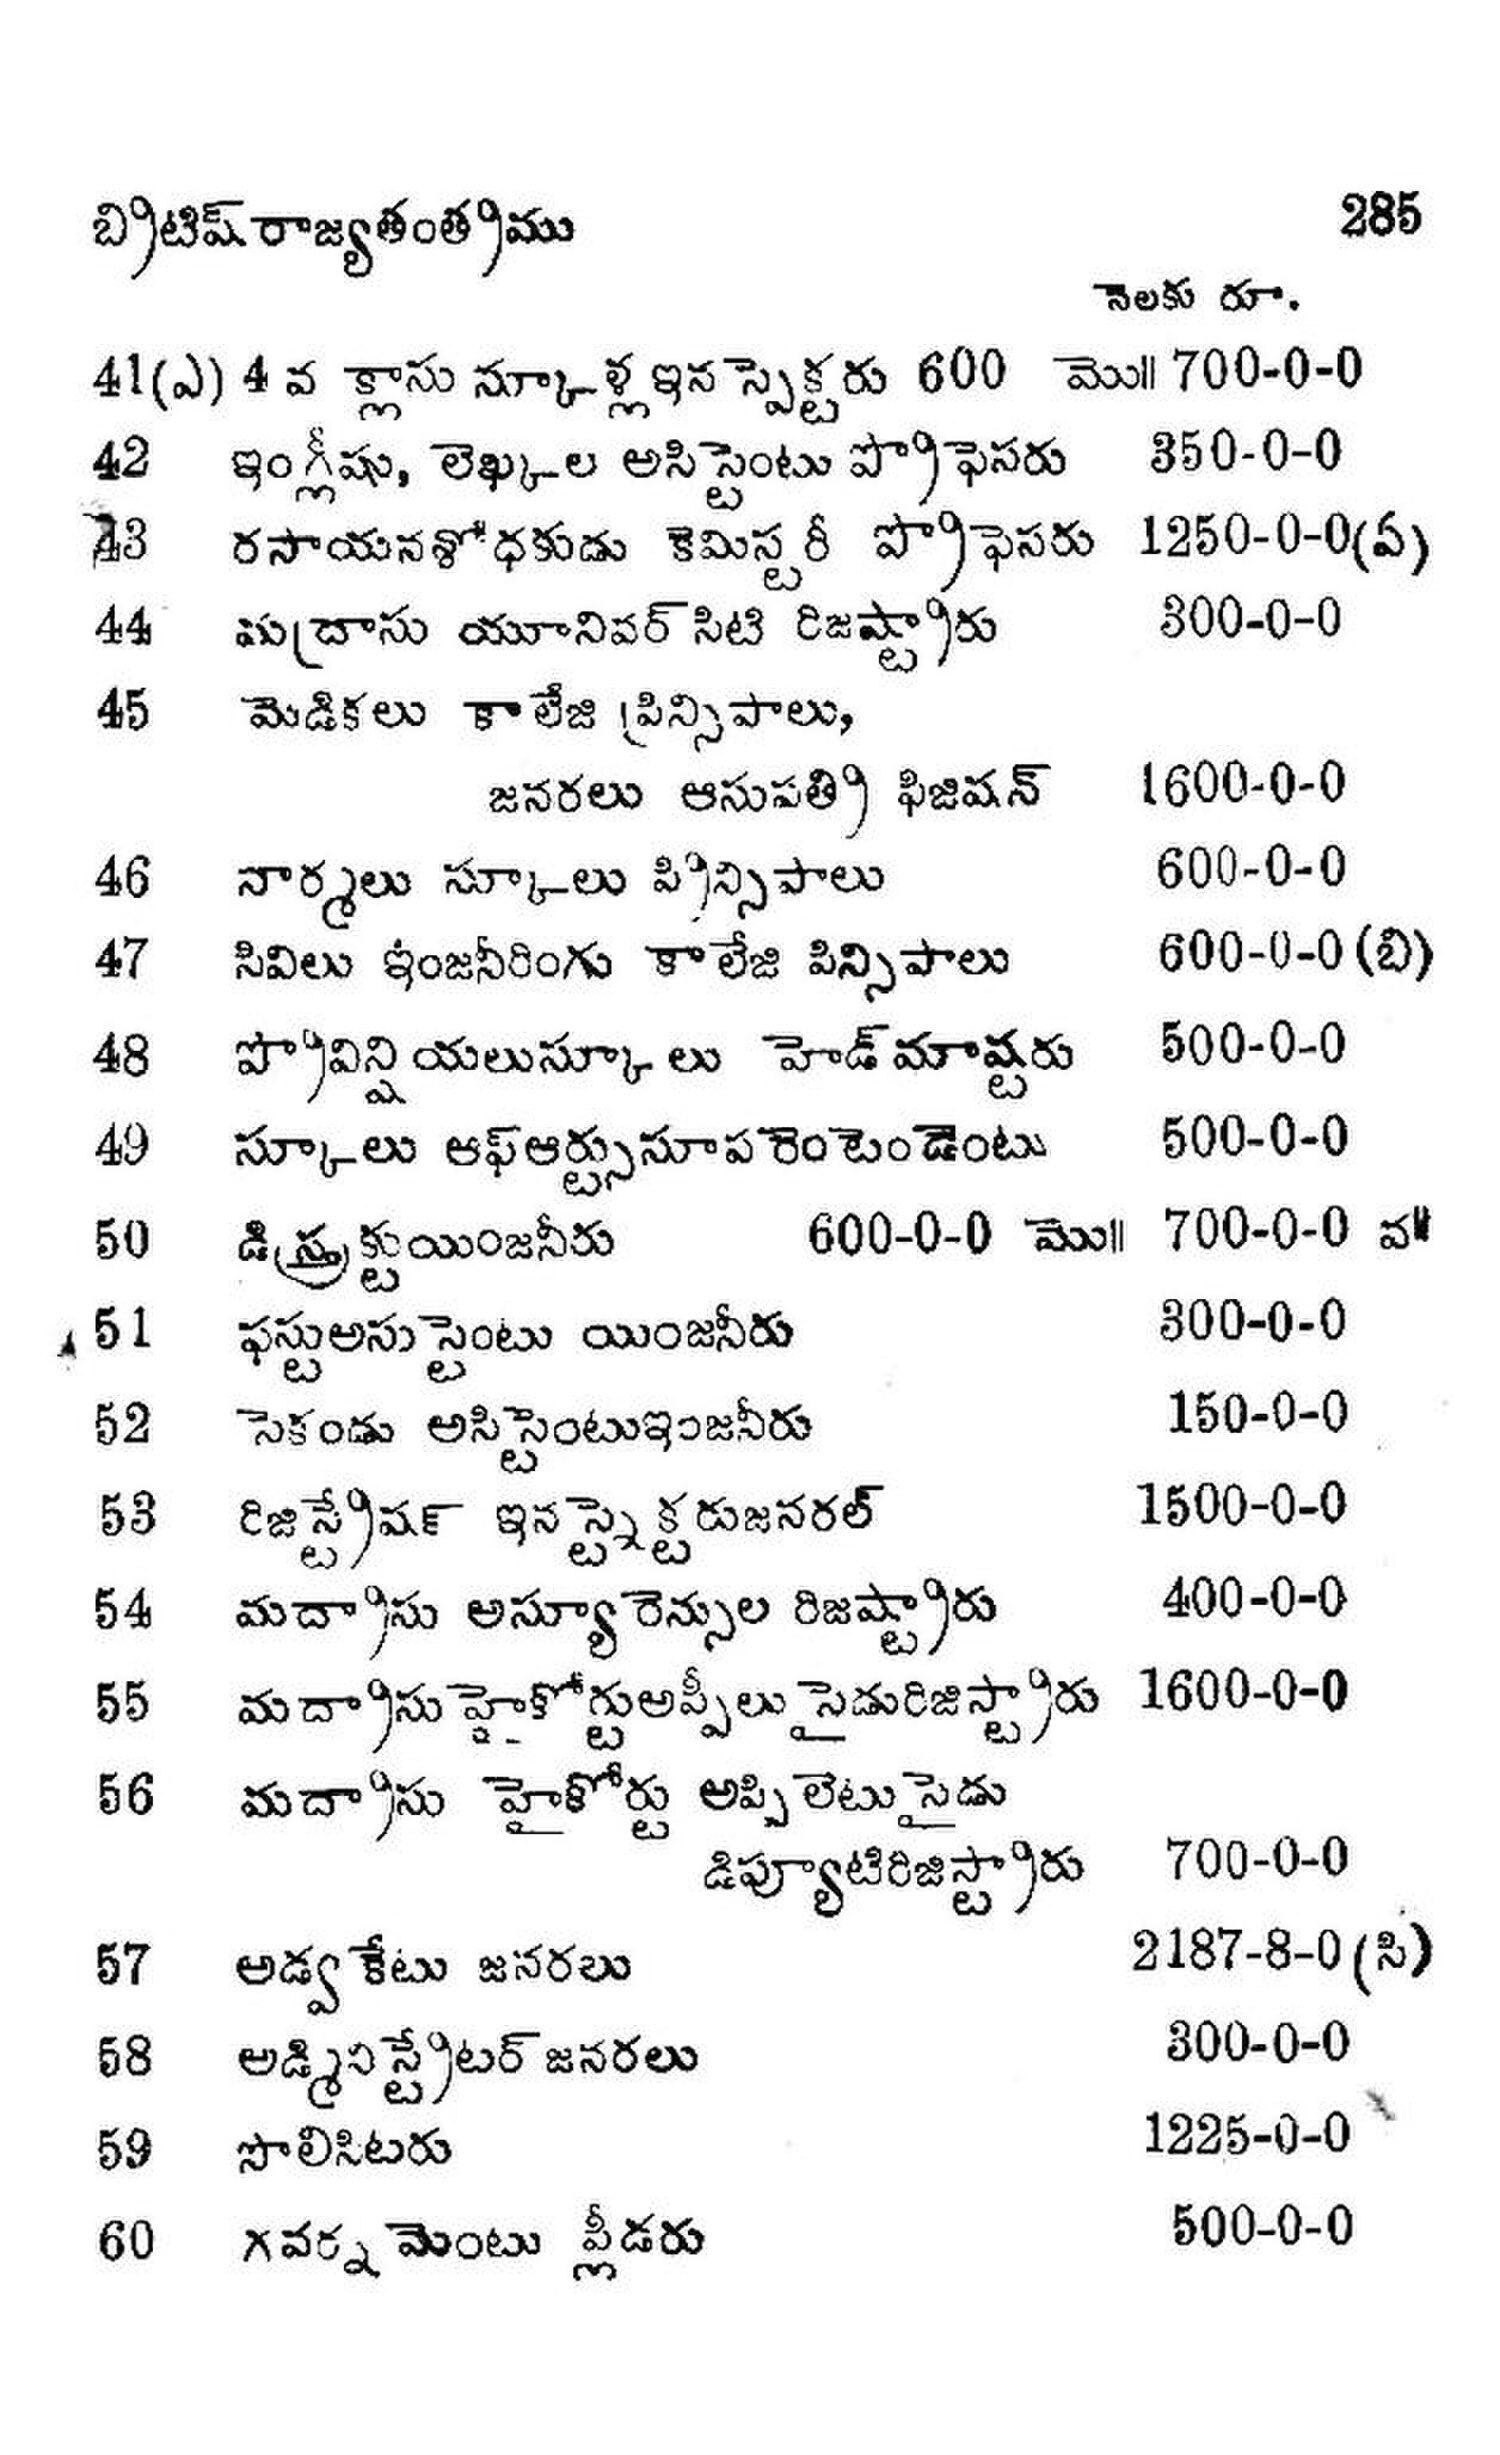41(ఎ) 4 వ క్లాసుస్కూళ్ల ఇనస్పెక్టరు 600 మొ 700-0-0 42 ఇంగ్లీషు, లెఖ్కల అసిస్టెంటు ప్రొఫెసరు 350-0-0 43 రసాయనశోధకుడు కెమిస్టరీ ప్రొఫెసరు 1250-0-0 (ఏ) 44 మద్రాసు యూనివర్‌సిటి రిజష్ట్రారు 300-0-0 45 మెడికలు కాలేజి ప్రిన్సిపాలు, జనరలు ఆసుపత్రి ఫిజిషన్ 1600-0-0 46 నార్మలు స్కూలు ప్రిన్సిపాలు 600-0-0 47 సివిలు ఇంజనీరింగు కాలేజి ప్రిన్సిపాలు 600-0-0(బి) 48 ప్రొవిన్షియలుస్కూలు హెడ్‌మాష్టరు 500-0-0 49 స్కూలు ఆఫ్‌ఆర్ట్సుసూపరెంటెండెంటు 500-0-0 50 డిస్ట్రక్టుయింజనీరు 600 మొ 700-0-0 వరకు 51 ఫస్టుఅసుస్టెంటు యింజనీరు 300-0-0 52 సెకండు అసిస్టెంటుఇంజనీరు 150-0-0 53 రిజిస్ట్రేషన్ ఇనస్పెక్టరుజనరల్ 1500-0-0 54 మద్రాసు అస్యూరెన్సుల రిజస్ట్రారు 400-0-0 55 మద్రాసుహైకోర్టుఅప్పీలుసైడురిజిష్ట్రారు 1600-0-0 56 మద్రాసుహైకోర్టు అప్పిలెటుసైడు డిప్యూటిరిజిష్ట్రారు 700-0-0 57 అడ్వకేటు జనరలు 2187-8-0 (సి) 58 అడ్మినిస్ట్రేటర్ జనరలు 300-0-0 59 సొలిసిటరు 1250-0-0 60 గవర్నమెంటు ప్లీడరు 500-0-0